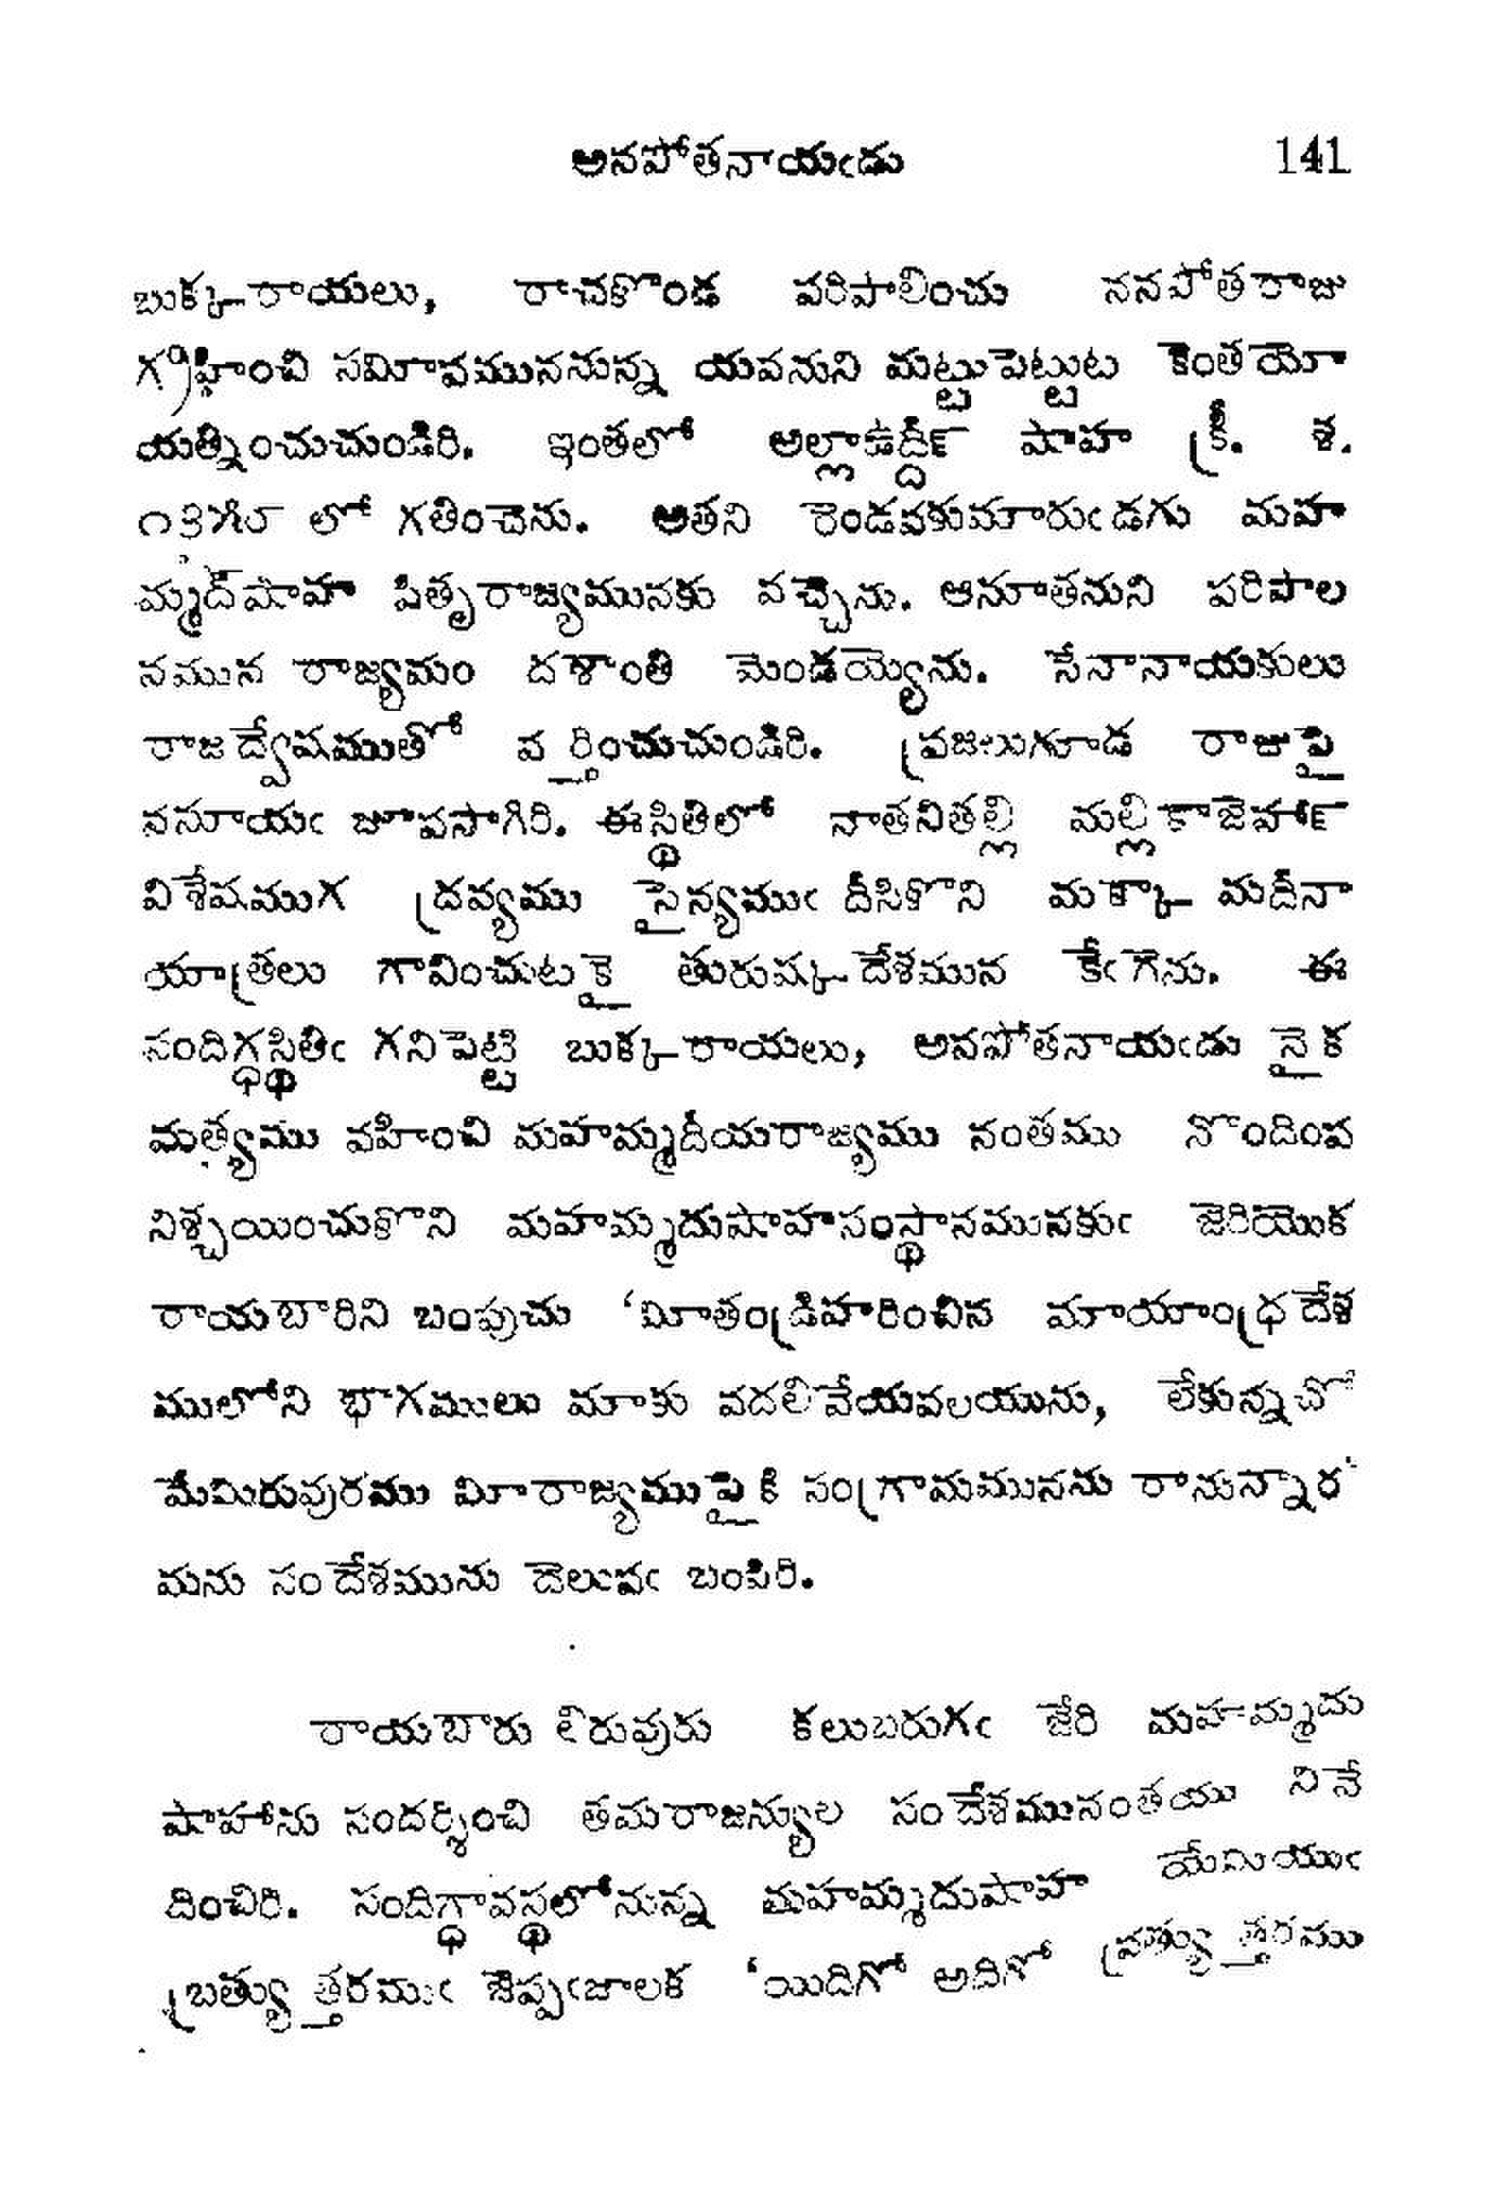బుక్కరాయలు, రాచకొండ పరిపాలించు ననపోతరాజు గ్రహించి సమీపముననున్న యవనుని మట్టుపెట్టుట కెంతయో యత్నించుచుండిరి.. ఇంతలో అల్లాఉద్దీన్ షాహ క్రీ.శ. 1358 లో గతించెను. అతని రెండవకుమారుడగు మహమ్మద్‌షాహ పితృరాజ్యమునకు వచ్చెను. ఆనూతనుని పరిపాలనమున రాజ్యమం దశాంతి మెండయ్యెను. సేనానాయకులు రాజద్వేషముతో వర్తించుచుండిరి. ప్రజలుగూడ రాజుపై నసూయ జూపసాగిరి. ఈస్థితిలో నాతనితల్లి మల్లికాజెహాన్ విశేషముగ ద్రవ్యము సైన్యము దీసికొని మక్కా మదీనా యాత్రలు గావించుటకై తురుష్కదేశమున కేగెను. ఈ సందిగ్ధస్థితి గనిపెట్టి బుక్కరాయలు, అనపోతనాయడు నైకమత్యము వహించి మహమ్మదీయరాజ్యము నంతము నొందింప నిశ్చయించుకొని మహమ్మదుషాహ సంస్థానమునకు జెరియొక రాయబారిని బంపుచు 'మీతండ్రిహరించిన మాయాంధ్రదేశములోని భాగములు మాకు వదలివేయవలయును, లేకున్నచో మేమిరువురము మీరాజ్యముపైకి సంగ్రామమునకు రానున్నార' మను సందేశమును దెలుప బంపిరి.

రాయబారు లిరువురు కలుబరుగ జేరి మహమ్మదుషాహాను సందర్శించి తమరాజన్యుల సందేశమునంతయు నివేదించిరి. సందిగ్ధావస్థలోనున్న మహమ్మదుషాహ యేమియు బ్రత్యుత్తరము జెప్పజాలక 'యిదిగో అదిగో ప్రత్యుత్తరము